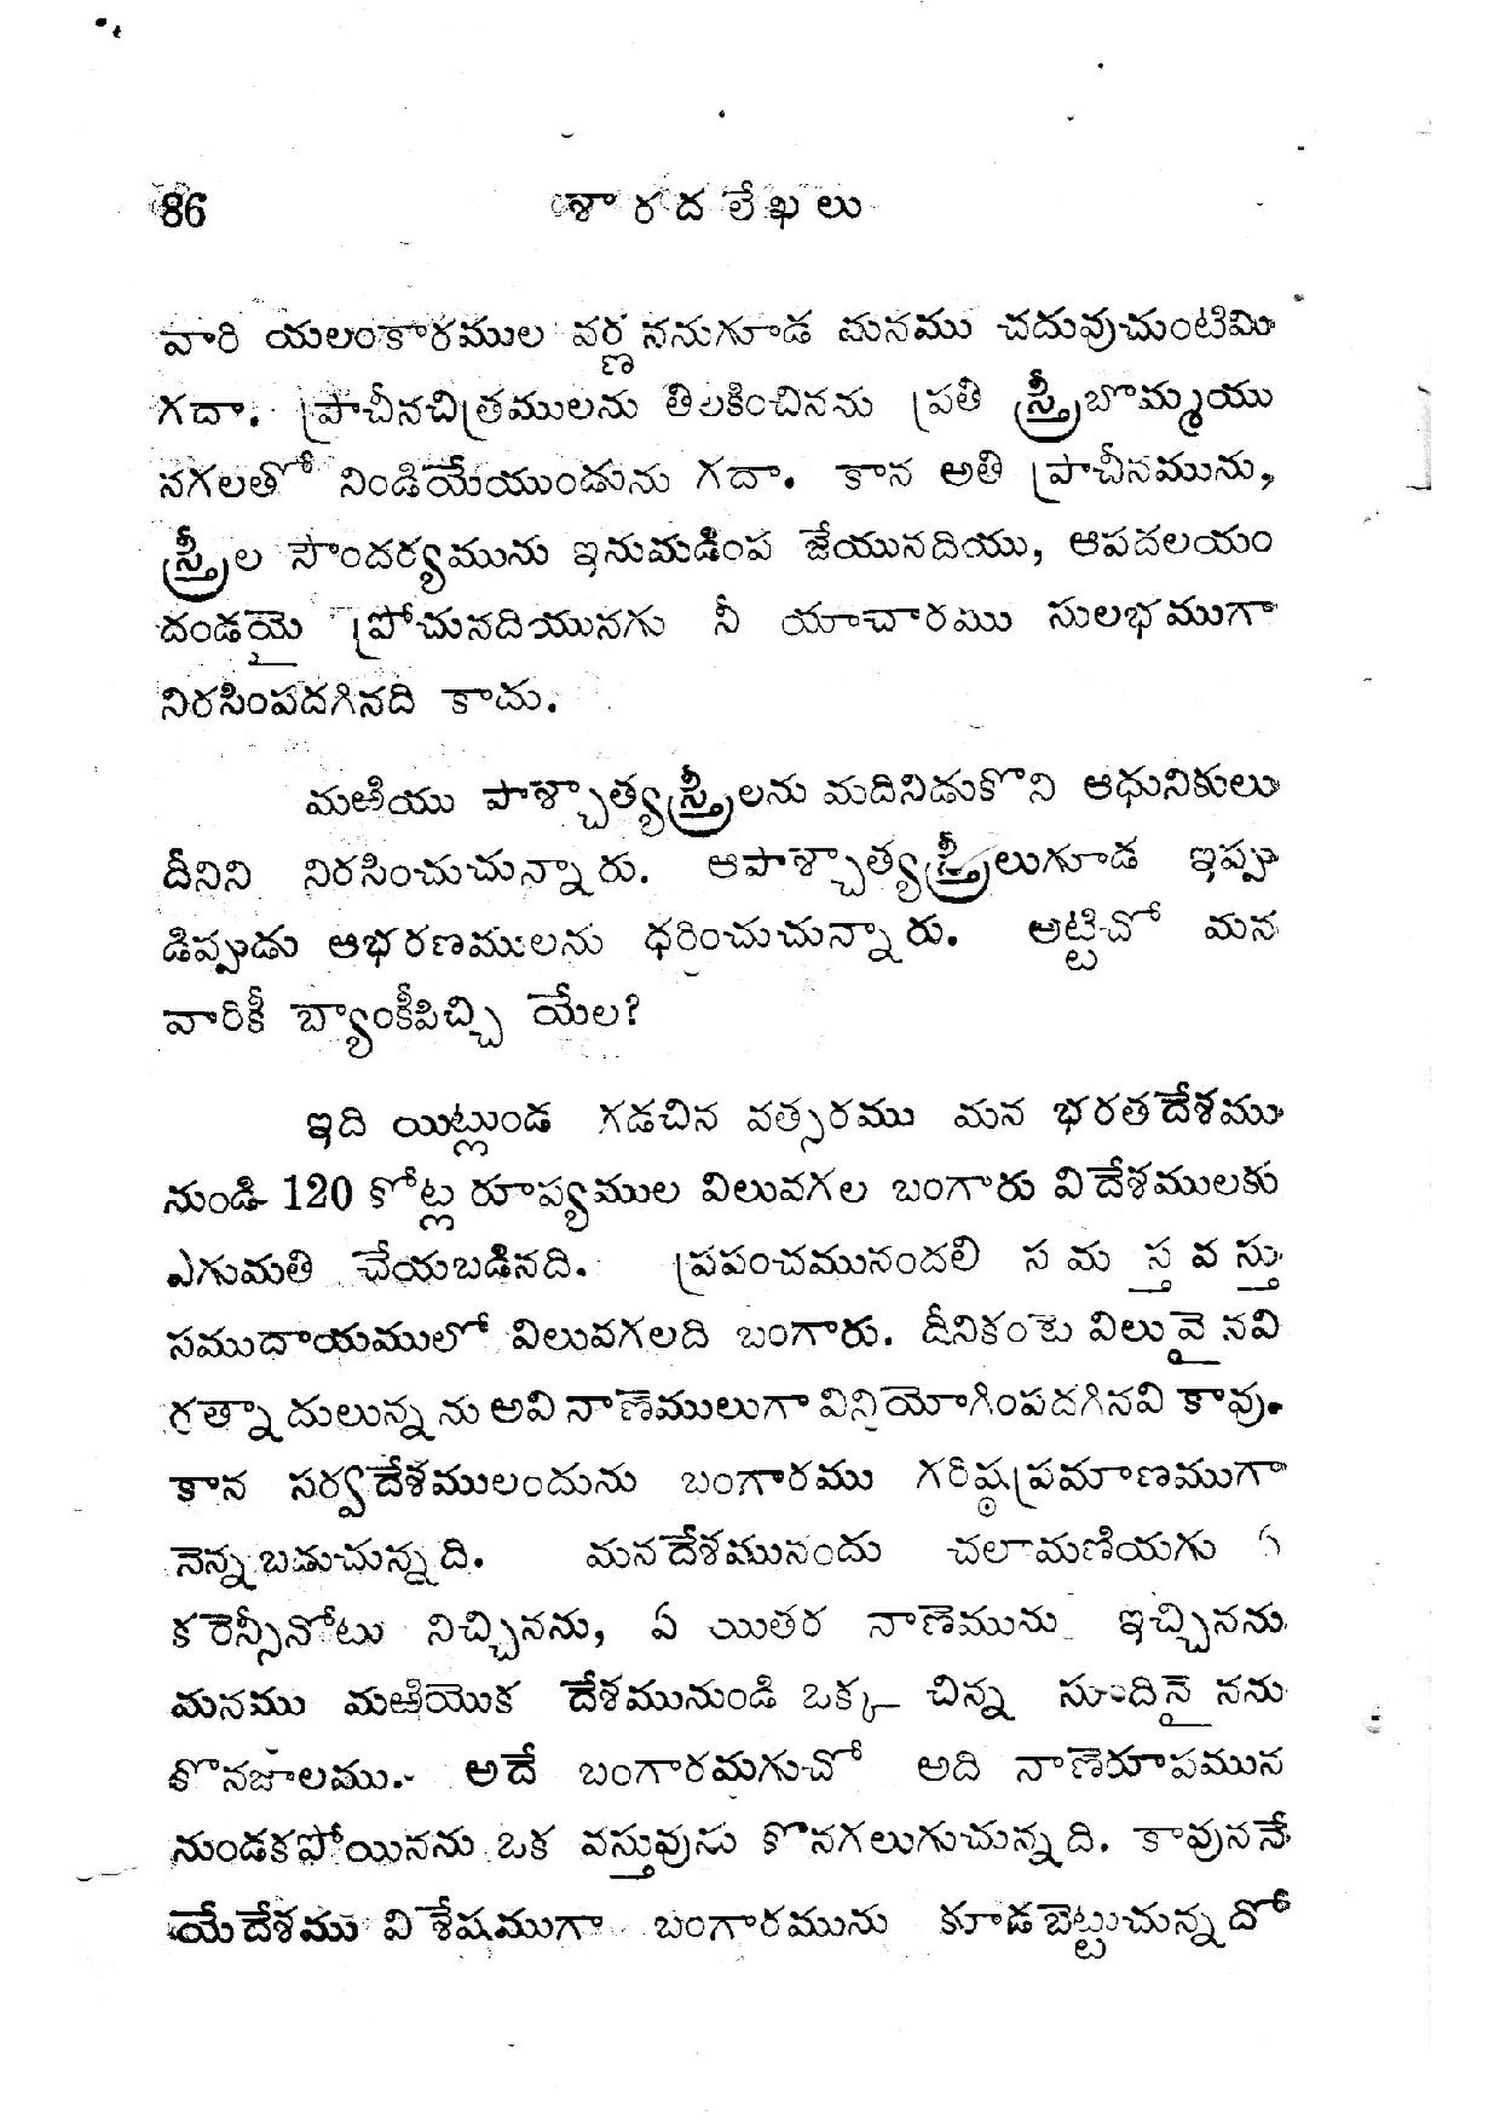వారి యలంకారముల వర్ణ ననుగూడ మనము చదువుచుంటిమి
గదా. ప్రాచీనచిత్రములను తిలకించినను ప్రతి స్త్రీ బొమ్మయు
నగలతో నిండియేయుండును గదా. కాన అతి ప్రాచీనమును,
స్త్రీల సౌందర్యమును ఇనుమడింప జేయునదియు, ఆపదలయం
దండయై ప్రోచునదియునగు నీ యాచారము సులభముగా
నిరసింపదగినది కాదు.

మఱియు పాశ్చాత్యస్త్రీలను మదినిడుకొని ఆధునికులు
దీనిని నిరసించుచున్నారు. ఆపాశ్చాత్య స్త్రీలు గూడ ఇప్పు
డిప్పుడు ఆభరణములను ధరించుచున్నారు. అట్టిచో మన
వారికీ బ్యాంకీపిచ్చి యేల?

ఇది యిట్లుండ గడచిన వత్సరము మన భరతదేశము
నుండి 120 కోట్ల రూప్యముల విలువగల బంగారు విదేశములకు
ఎగుమతి చేయబడినది. ప్రపంచమునందలి సమస్త వస్తు 
సముదాయములో విలువగలది బంగారు. దీనికంటే విలువైనవి
రత్నాదులున్నను అవి నాణెములుగా వినియోగింపదగినవికావు.
కాన సర్వదేశములందును బంగారము గరిష్ఠ ప్రమాణముగా
నెన్న బడుచున్నది. మన దేశమునందు చలామణియగు ఏ
కరెన్సీనోటు నిచ్చినను ఏ యితర నాణెమును ఇచ్చినను
మనము మఱియొక దేశమునుండి ఒక్క చిన్న సూదినై నను
కొనజాలము. అదే బంగారమగుచో అది నాణెరూపమున
నుండకపోయిననును ఒక వస్తువును కొనగలుగుచున్నది కావుననే
యేదేశము విశేషముగా బంగారమును కూడబెట్టుచున్నదో